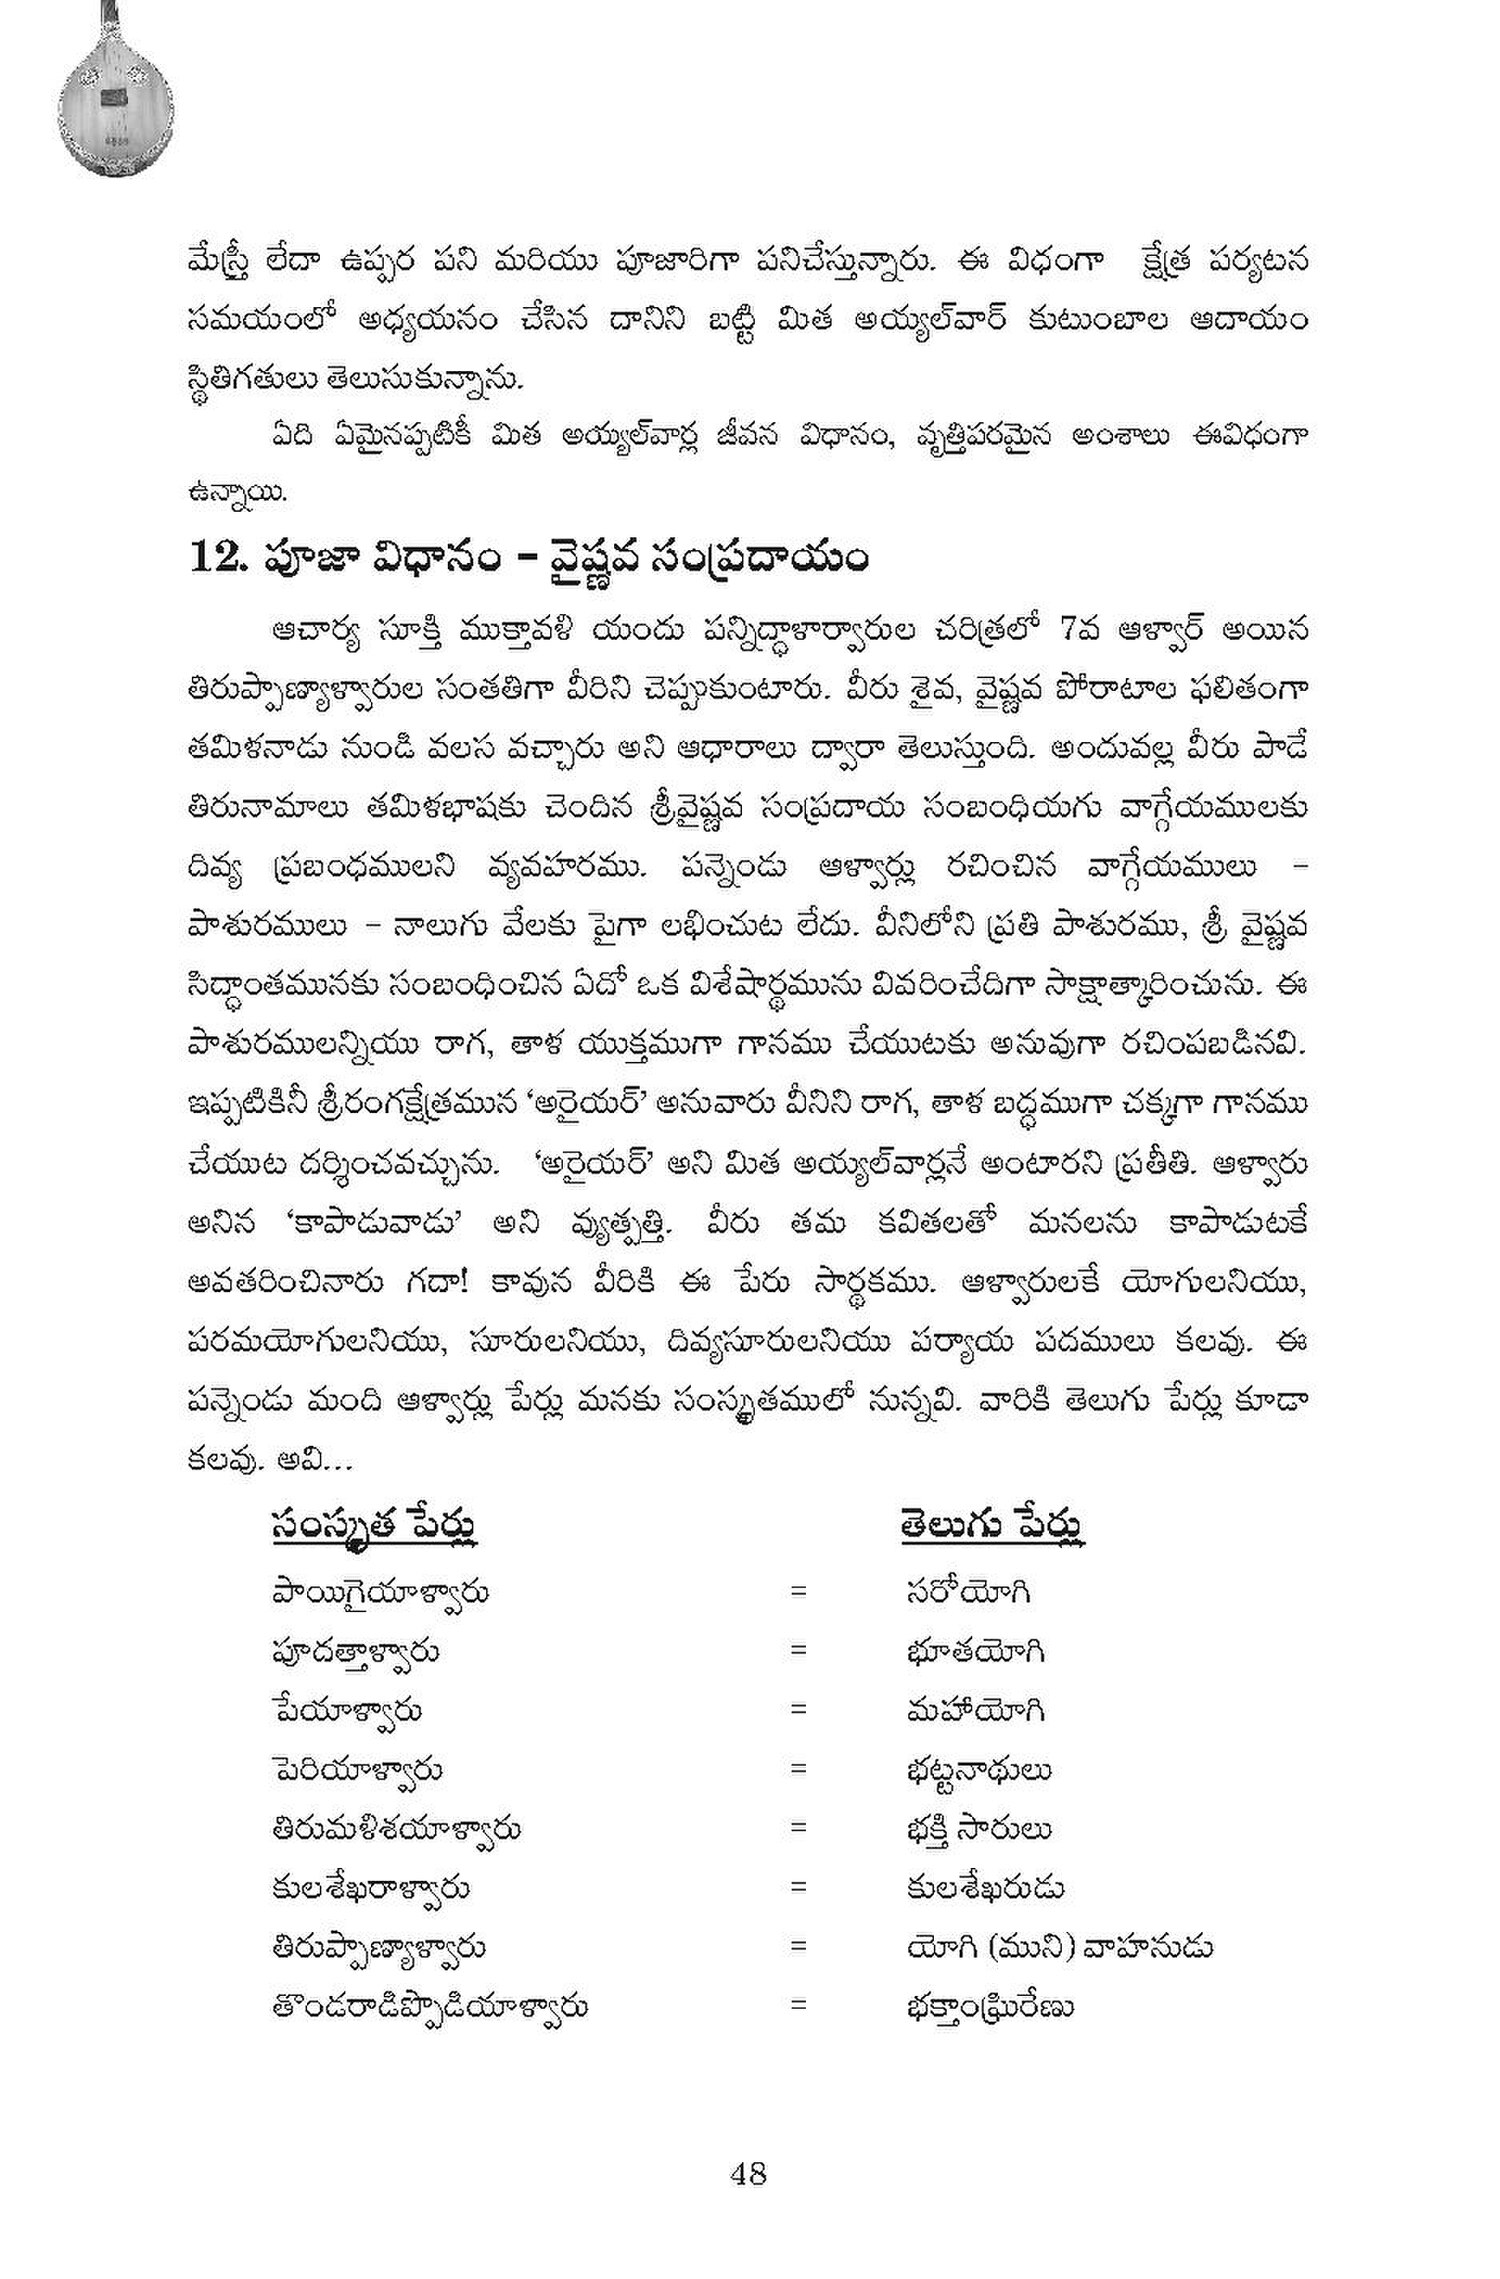మేస్త్రీ లేదా ఉప్పర పని మరియు పూజారిగా పనిచేస్తున్నారు. ఈ విధంగా క్షేత్ర పర్యటన సమయంలో అధ్యయనం చేసిన దానిని బట్టి మిత అయ్యల్వార్ కుటుంబాల ఆదాయం స్థితిగతులు తెలుసుకున్నాను.

ఏది ఏమైనప్పటికీ మిత అయ్యల్వార్ల జీవన విధానం, వృత్తిపరమైన అంశాలు ఈవిధంగా ఉన్నాయి.

12. పూజా విధానం - వైష్ణవ సంప్రదాయం 

ఆచార్య సూక్తి ముక్తావళి యందు పన్నిద్ధాళార్వారుల చరిత్రలో 7వ ఆళ్వార్ అయిన తిరుప్పాణ్యాళ్వారుల సంతతిగా వీరిని చెప్పుకుంటారు. వీరు శైవ, వైష్ణవ పోరాటాల ఫలితంగా తమిళనాడు నుండి వలస వచ్చారు అని ఆధారాలు ద్వారా తెలుస్తుంది. అందువల్ల వీరు పాడే తిరునామాలు తమిళభాషకు చెందిన శ్రీవైష్ణవ సంప్రదాయ సంబంధియగు వాగ్గేయములకు దివ్య ప్రబంధములని వ్యవహరము. పన్నెండు ఆళ్వార్లు రచించిన వాగ్గేయములు - పాశురములు-
నాలుగు వేలకు పైగా లభించుట లేదు. వీనిలోని ప్రతి పాశురము, శ్రీ వైష్ణవ సిద్ధాంతమునకు సంబంధించిన ఏదో ఒక విశేషార్థమును వివరించేదిగా సాక్షాత్కారించును. ఈ పాశురములన్నియు రాగ, తాళ యుక్తముగా గానము చేయుటకు అనువుగా రచింపబడినవి. ఇప్పటికినీ శ్రీరంగక్షేత్రమున 'అరైయర్' అనువారు వీనిని రాగ, తాళ బద్ధముగా చక్కగా గానము చేయుట దర్శించవచ్చును. 'అరైయర్' అని మిత అయ్యల్వార్లనే అంటారని ప్రతీతి. ఆళ్వారు అనిన 'కాపాడువాడు' అని వ్యుత్పత్తి. వీరు తమ కవితలతో మనలను కాపాడుటకే అవతరించినారు గదా! కావున వీరికి ఈ పేరు సార్థకము. ఆళ్వారులకే యోగులనియు, పరమయోగులనియు, సూరులనియు, దివ్యసూరులనియు పర్యాయ పదములు కలవు. ఈ పన్నెండు మంది ఆళ్వార్లు పేర్లు మనకు సంస్కృతములో నున్నవి. వారికి తెలుగు పేర్లు కూడా కలవు. అవి...
+ సంస్కృత పేర్లు తెలుగు పేర్లు పాయిగైయాళ్వారు సరోయోగి పూదత్తాళ్వారు భూతయోగి పేయాళ్వారు మహాయోగి పెరియాళ్వారు భట్టనాథులు తిరుమళిశయాళ్వారు భక్తి సారులు కులశేఖరాళ్వారు కులశేఖరుడు తిరుప్పాణ్యాళ్వారు యోగి (ముని) వాహనుడు తొండరాడిప్పొడియాళ్వారు భక్తాంఘ్రరేణు తిరుమంగయాళ్వారు పరకాల యోగి ఉడయవర్ యంత్రీంద్రులు (రామానుజులు) గనమ్మాళ్వారు పరాంకుశ (శఠకోపము)13